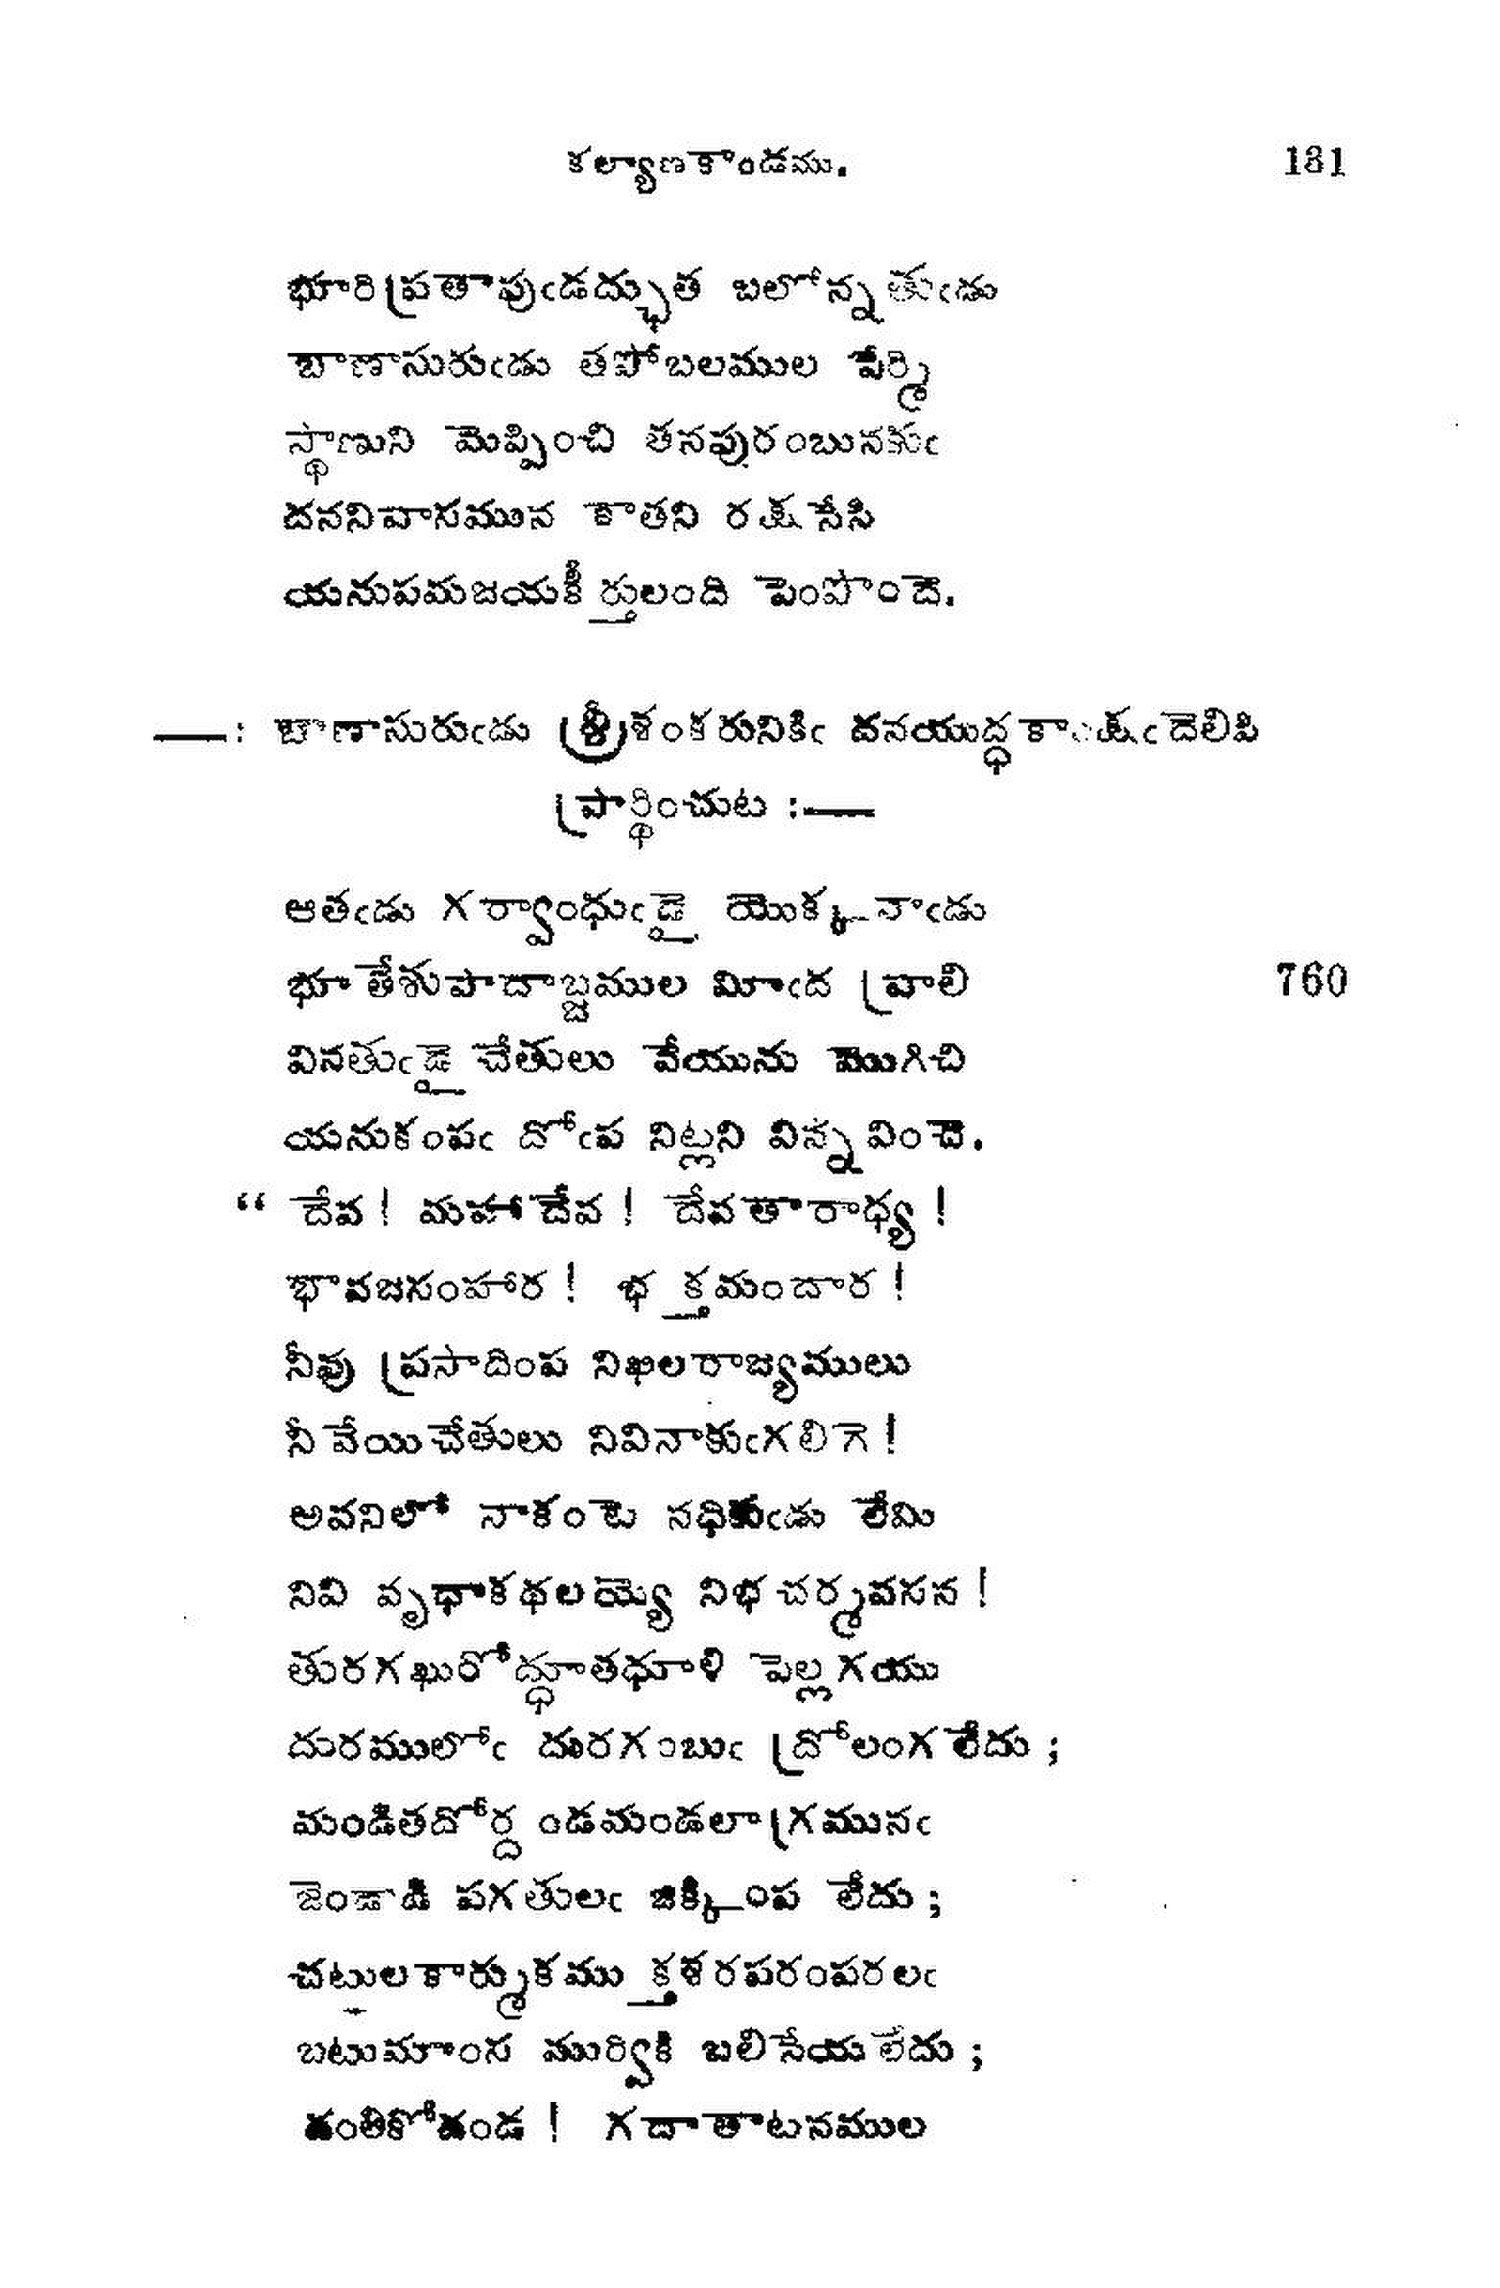భూరిప్రతాపుఁడద్భుత బలోన్నతుఁడు
బాణాసురుఁడు తపోబలముల పేర్మి 
స్థాణుని మెప్పించితనపురంబునకుఁ
దననివాసమున కాతని రక్ష సేసి
యనుపమజయకీర్తులంది పెంపొందె.

అతఁడు(ను) గర్వాంధుఁడై యొక్కనాఁడు
భూతేశు పాదాబ్జములమీఁద వ్రాలి
వినతుఁడై చేతులు వేయును మొగిచి
యనుకంపఁ దోఁప నిట్లని విన్నవించె. 
“దేవ! మహాదేవ! దేవతారాధ్య! 
భావజసంహార! భక్తమందార! 
నీవు ప్రసాదింప నిఖిల రాజ్యములు
నీవేయి చేతులు నివినాకుఁ గలిగె! 
అవనిలో నాకంటె నధికుఁడు లేమి
నివి వృధాకథలయ్యె నిభచర్మవసన! 
తురగఖురోద్ధూతధూళి పెల్లగయు 
దురములోఁ దురగంబుఁ ద్రోలంగలేదు; 
మండిత దోర్దండ మండలాగ్రమునఁ
జెండాడి పగతులఁ జిక్కింపలేదు; 
చటుల కార్ముకముక్త శర పరంపరలఁ
బటు మాంసముర్వికి బలిసేయలేదు; 
దంతికోదండ! గదాతాటనముల